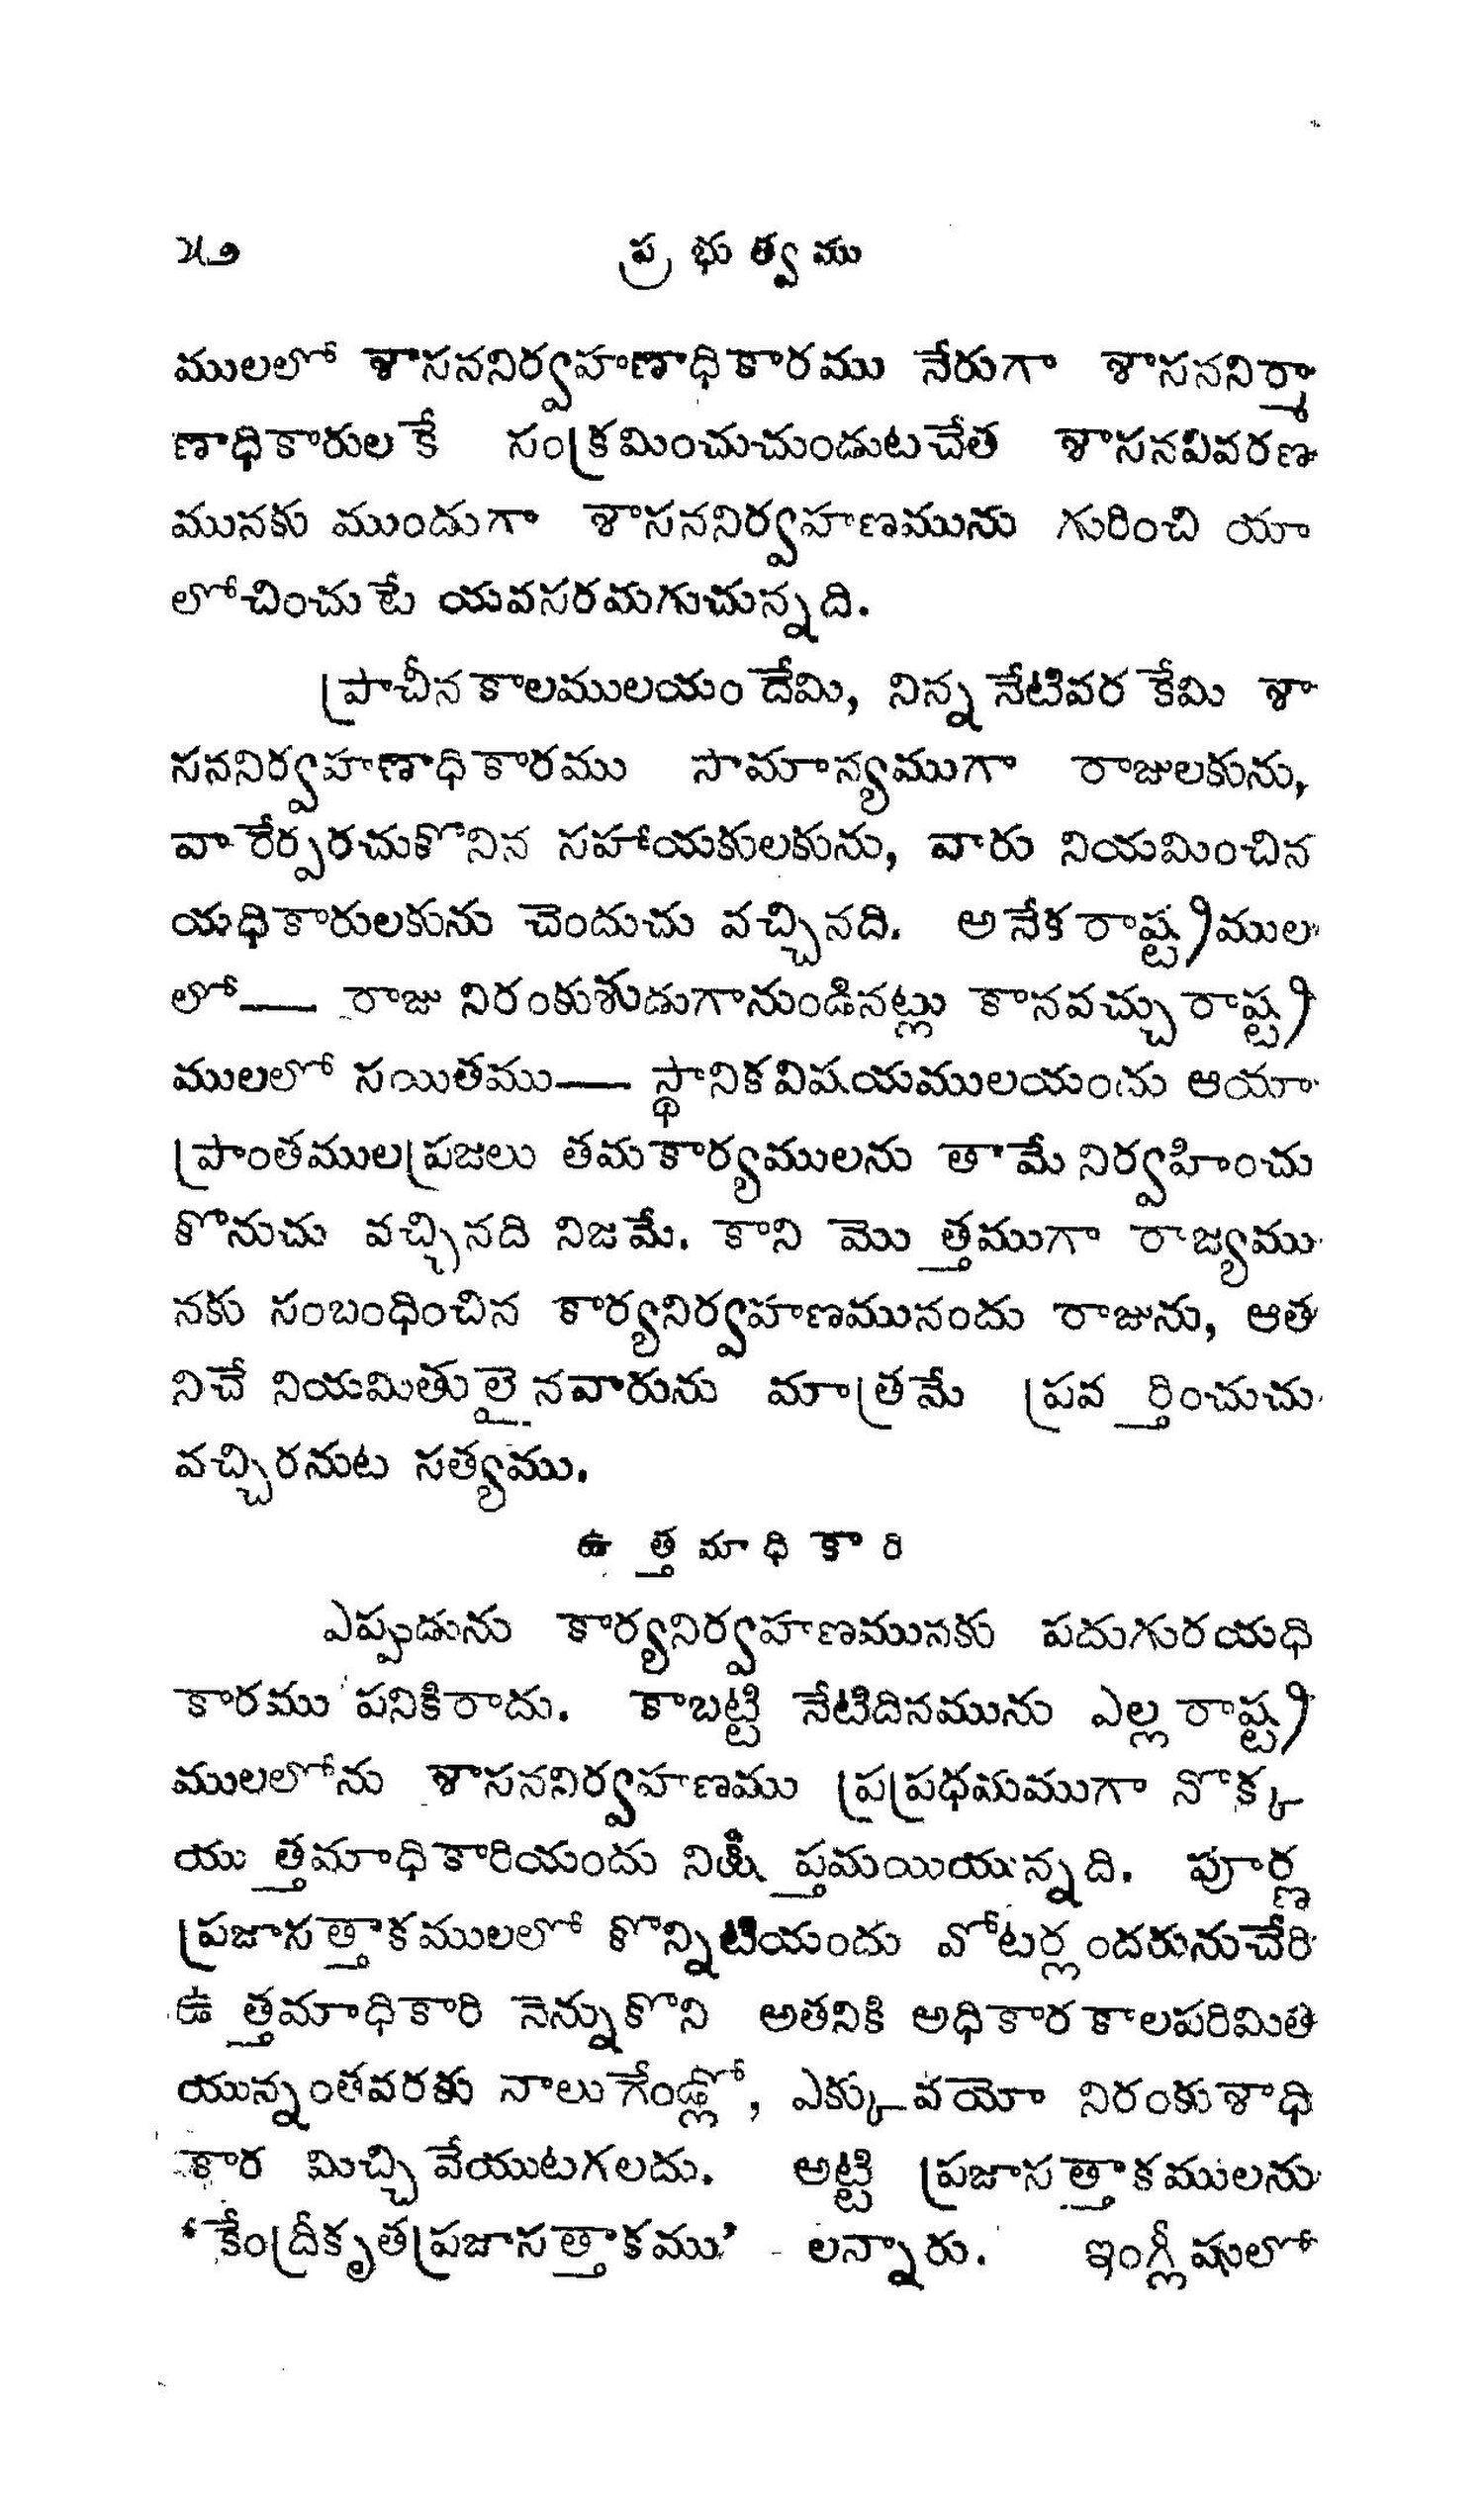ములలో శాసననిర్వహణాధికారము నేరుగా శాసననిర్మాణాధికారులకే సంక్రమించుచుండుటచేత శాసనవివరణమునకు ముందుగా శాసననిర్వహణమును గురించి యాలోచించుటే యవసరమగు చున్నది.

ప్రాచీనకాలములయం దేమి, నిన్న నేటివర కేమి శాసననిర్వహణాధికారము సామాన్యముగా రాజులకును, వా రేర్పరచుకొనిన సహాయకులకును, వారు నియమించిన యధికారులకును చెందుచు వచ్చినది. అనేకరాష్ట్రములలో- రాజు నిరంకుశుడుగానుండినట్లు కానవచ్చు రాష్ట్రములలో సయితము — స్థానికవిషయములయందు ఆయాప్రాంతములప్రజలు తమకార్యములను తామే నిర్వహించు
కొనుచు వచ్చినది నిజమే. కాని మొత్తముగా రాజ్యమునకు సంబంధించిన కార్యనిర్వహణమునందు రాజును, ఆతనిచే నియమితులైనవారును మాత్రమే ప్రవర్తించుచు వచ్చిరనుట సత్యము.

ఎప్పుడును కార్యనిర్వహణమునకు పదుగురయధికారము పనికిరాదు. కాబట్టి నేటిదినమును ఎల్ల రాష్ట్రములలోను శాసననిర్వహణము ప్రప్రధమముగా నొక్క యుత్తమాధికారియందు నిక్షిప్తమయి యున్నది. పూర్ణ ప్రజాసత్తాకములలో కొన్నిటియందు వోటర్లందరునుచేరి ఉత్తమాధికారి నెన్నుకొని అతనికి అధికారకాలపరిమితి యున్నంతవరకు నాలుగేండ్లో, ఎక్కువయో నిరంకుశాధికార మిచ్చి వేయుటగలదు. అట్టి ప్రజాసత్తాకములను 'కేంద్రీకృతప్రజాసత్తాకము' లన్నారు. ఇంగ్లీషులో